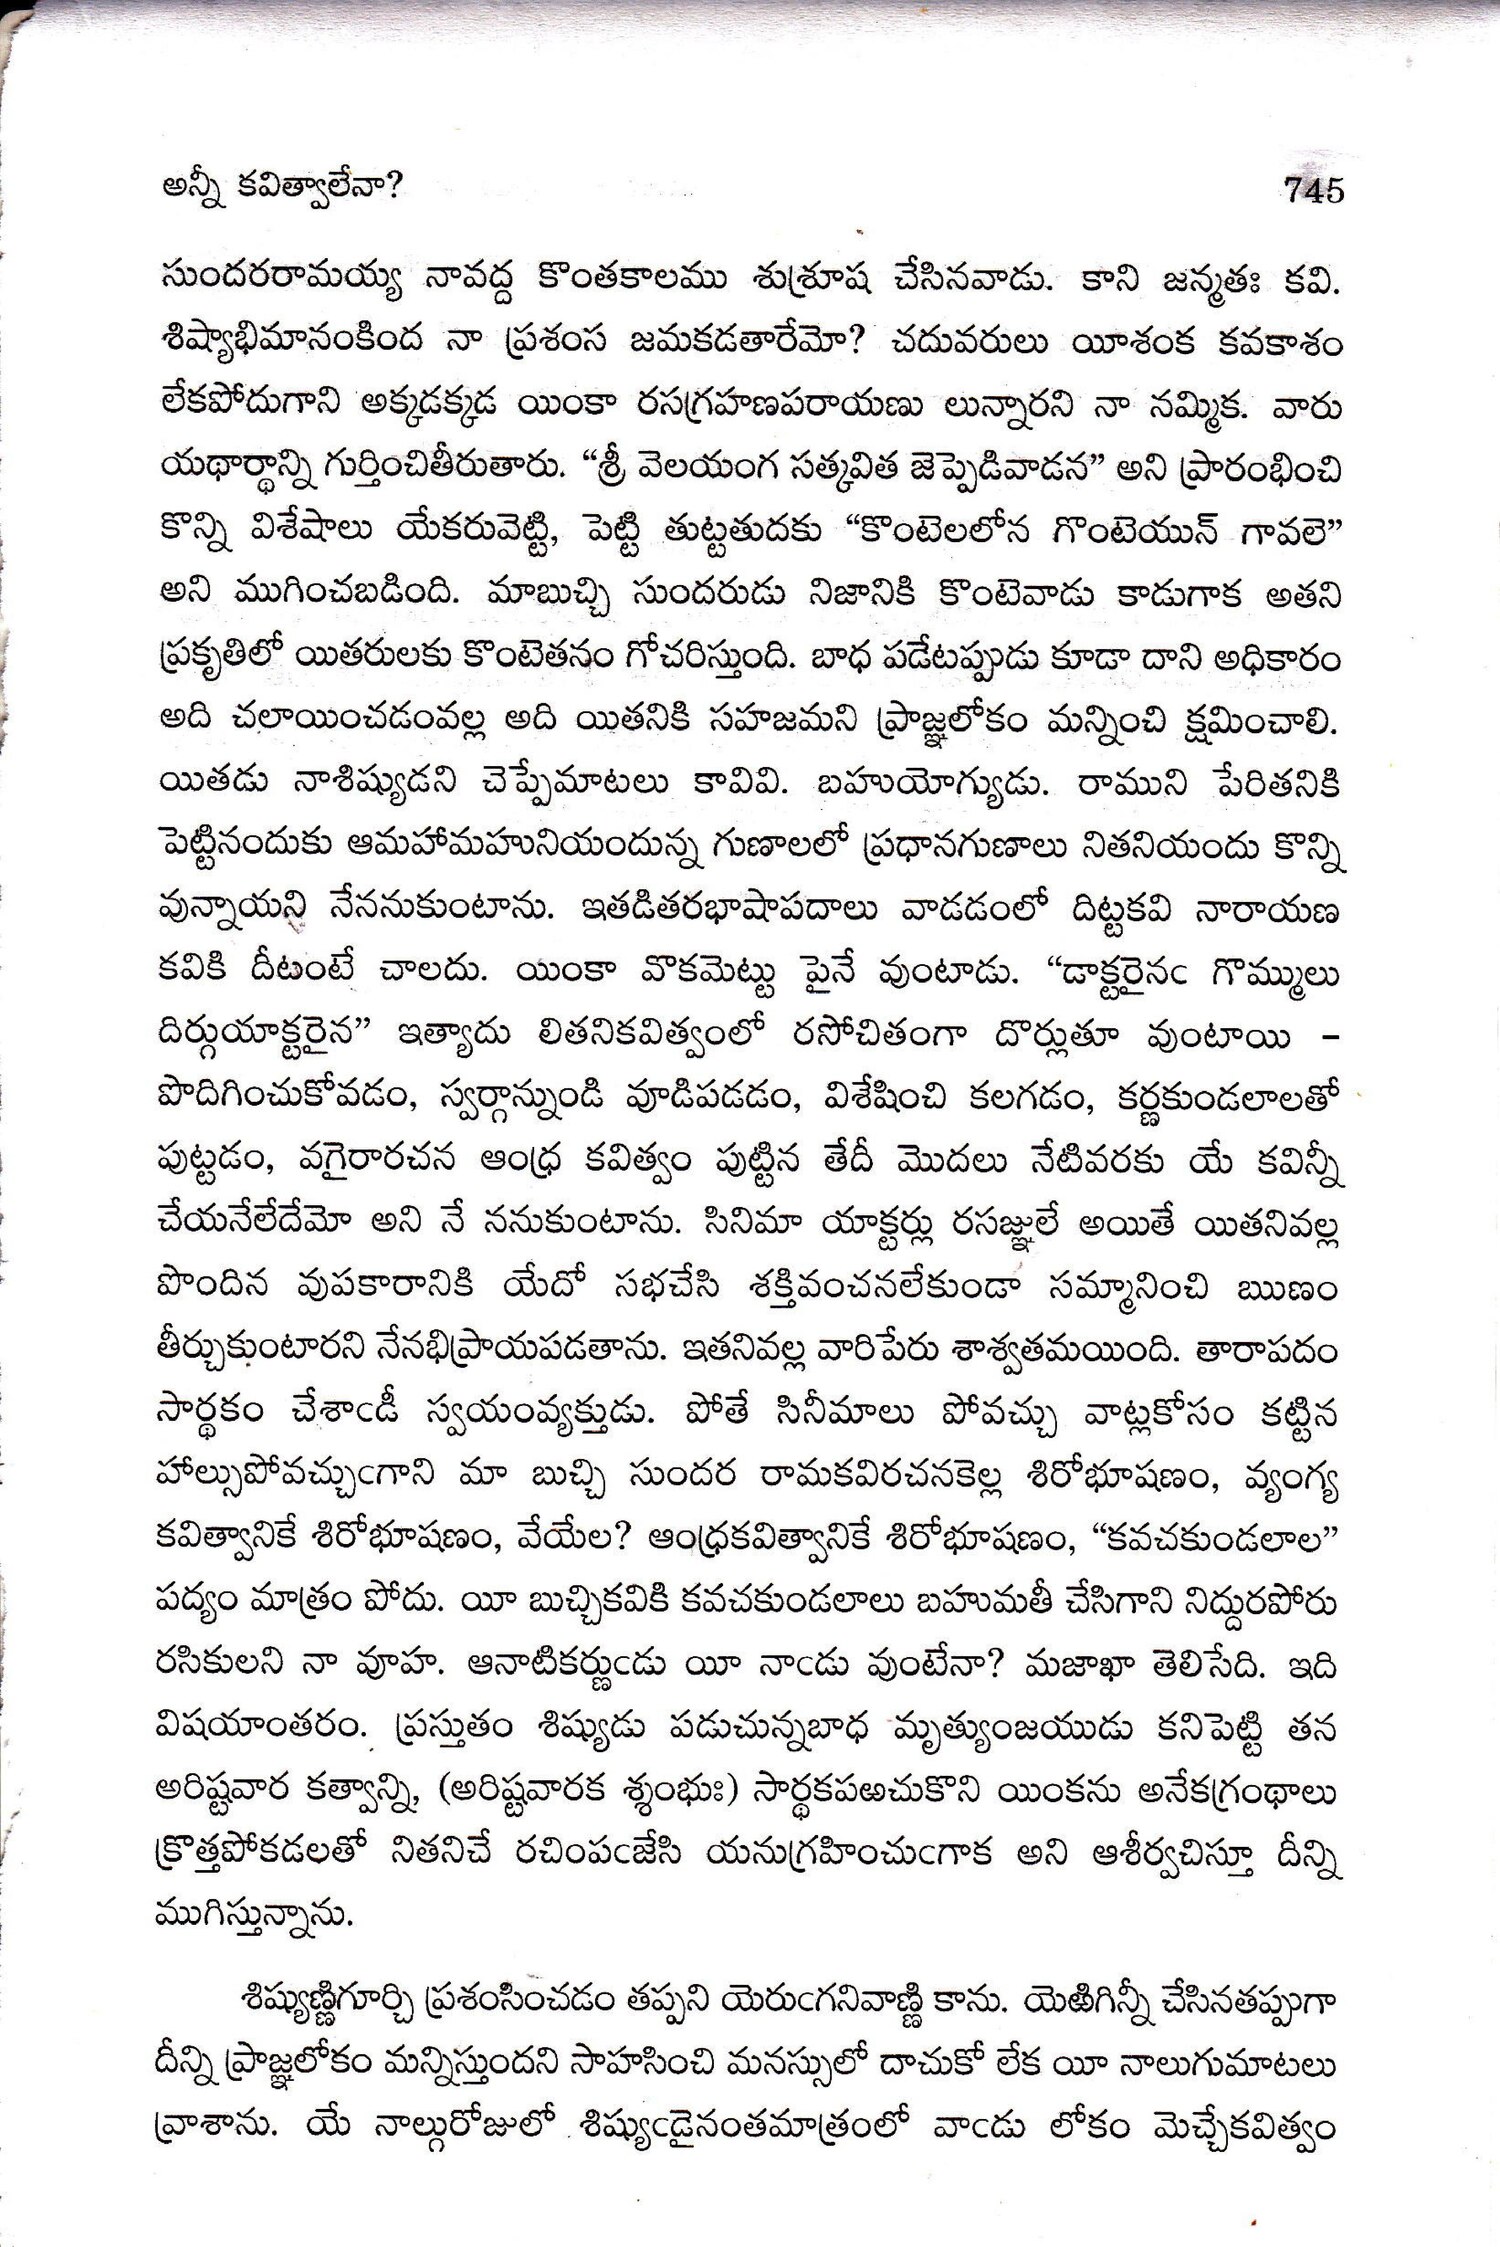సుందరరామయ్య నావద్ద కొంతకాలము శుశ్రూష చేసినవాడు. కాని జన్మతః కవి. శిష్యాభిమానంకింద నా ప్రశంస జమకడతారేమో? చదువరులు యీశంక కవకాశం లేకపోదుగాని అక్కడక్కడ యింకా రసగ్రహణపరాయణు లున్నారని నా నమ్మిక. వారు యథార్థాన్ని గుర్తించితీరుతారు. “శ్రీ వెలయంగ సత్కవిత జెప్పెడివాడన" అని ప్రారంభించి కొన్ని విశేషాలు యేకరువెట్టి, పెట్టి తుట్టతుదకు "కొంటెలలోన గొంటెయున్ గావలె" అని ముగించబడింది. మాబుచ్చి సుందరుడు నిజానికి కొంటెవాడు కాడుగాక అతని ప్రకృతిలో యితరులకు కొంటెతనం గోచరిస్తుంది. బాధ పడేటప్పుడు కూడా దాని అధికారం అది చలాయించడంవల్ల అది యితనికి సహజమని ప్రాజ్ఞలోకం మన్నించి క్షమించాలి. యితడు నాశిష్యుడని చెప్పేమాటలు కావివి. బహుయోగ్యుడు. రాముని పేరితనికి పెట్టినందుకు ఆమహామహునియందున్న గుణాలలో ప్రధానగుణాలు నితనియందు కొన్ని వున్నాయని నేననుకుంటాను. ఇతడితరభాషాపదాలు వాడడంలో దిట్టకవి నారాయణ కవికి దీటంటే చాలదు. యింకా వొకమెట్టు పైనే వుంటాడు. “డాక్టరైనఁ గొమ్ములు దిర్గుయాక్టరైన" ఇత్యాదు లితనికవిత్వంలో రసోచితంగా దొర్లుతూ వుంటాయి - పొదిగించుకోవడం, స్వర్గాన్నుండి వూడిపడడం, విశేషించి కలగడం, కర్ణకుండలాలతో పుట్టడం, వగైరారచన ఆంధ్ర కవిత్వం పుట్టిన తేదీ మొదలు నేటివరకు యే కవిన్నీ చేయనేలేదేమో అని నే ననుకుంటాను. సినిమా యాక్టర్లు రసజ్ఞులే అయితే యితనివల్ల పొందిన వుపకారానికి యేదో సభచేసి శక్తివంచనలేకుండా సమ్మానించి ఋణం తీర్చుకుంటారని నేనభిప్రాయపడతాను. ఇతనివల్ల వారిపేరు శాశ్వతమయింది. తారాపదం సార్థకం చేశాఁడీ స్వయంవ్యక్తుడు. పోతే సినీమాలు పోవచ్చు వాట్లకోసం కట్టిన హాల్సుపోవచ్చుఁగాని మా బుచ్చి సుందర రామకవిరచనకెల్ల శిరోభూషణం, వ్యంగ్య కవిత్వానికే శిరోభూషణం, వేయేల? ఆంధ్రకవిత్వానికే శిరోభూషణం, “కవచకుండలాల” పద్యం మాత్రం పోదు. యీ బుచ్చికవికి కవచకుండలాలు బహుమతీ చేసిగాని నిద్దురపోరు రసికులని నా వూహ. ఆనాటికర్ణుఁడు యీ నాఁడు వుంటేనా? మజాఖా తెలిసేది. ఇది విషయాంతరం. ప్రస్తుతం శిష్యుడు పడుచున్నబాధ మృత్యుంజయుడు కనిపెట్టి తన అరిష్టవార కత్వాన్ని (అరిష్టవారక శంభుః) సార్థకపఱచుకొని యింకను అనేకగ్రంథాలు క్రొత్తపోకడలతో నితనిచే రచింపఁజేసి యనుగ్రహించుఁగాక అని ఆశీర్వచిస్తూ దీన్ని ముగిస్తున్నాను.

శిష్యుణ్ణిగూర్చి ప్రశంసించడం తప్పని యెరుఁగనివాణ్ణి కాను. యెఱిగిన్నీ చేసినతప్పుగా దీన్ని ప్రాజ్ఞలోకం మన్నిస్తుందని సాహసించి మనస్సులో దాచుకో లేక యీ నాలుగుమాటలు వ్రాశాను. యే నాల్గురోజులో శిష్యుఁడైనంతమాత్రంలో వాఁడు లోకం మెచ్చేకవిత్వం